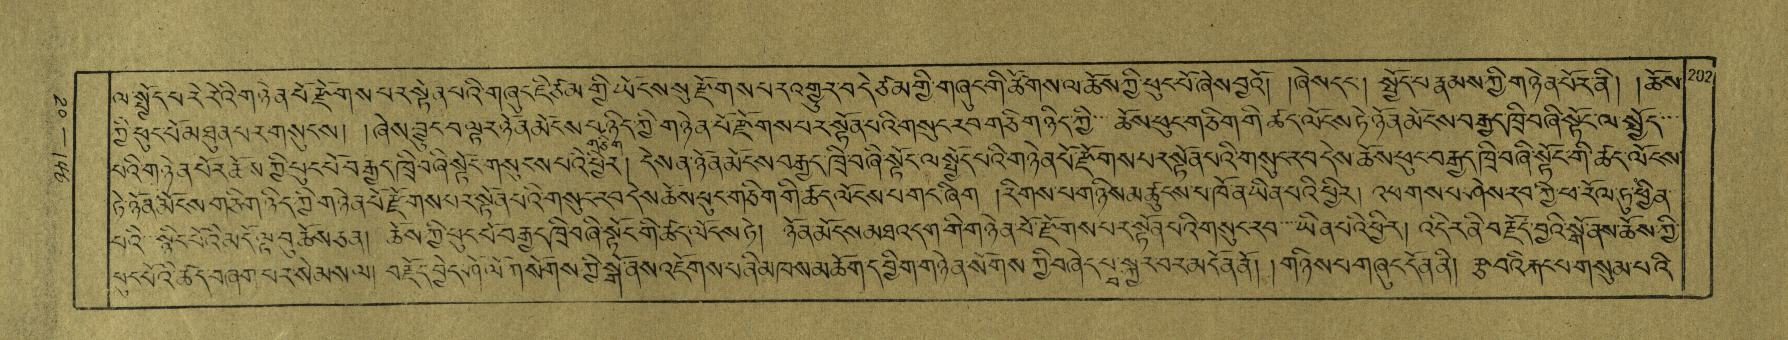ལ་སྤྱོད་པ་རེ་རེའི་གཉེན་པོ་རྫོགས་པར་སྟོན་པའི་གཞུང་ཇི་ཙམ་གྱི་ཡོངས་སུ་རྫོགས་པར་འགྱུར་བ་དེ་ཙམ་གྱི་གཞུང་གི་ཚོགས་ལ་ཆོས་ཀྱི་ཕུང་པོ་ཞེས་བྱའོ། །ཞེས་དང་། སྤྱོད་པ་རྣམས་ཀྱི་གཉེན་པོར་ནི། །ཆོས་
ཀྱི་ཕུང་པོ་མཐུན་པར་གསུངས། །ཞེས་བྱུང་བ་ལྟར་ཉོན་མོངས་པ་གཅིག་ཉིད་ཀྱི་གཉེན་པོ་རྫོགས་པར་སྟོན་པའི་གསུང་རབ་གཅིག་ཉིད་ཀྱི་ཆོས་ཕུང་གཅིག་གི་ཚད་ལོངས་ཏེ་ཉོན་མོངས་བརྒྱད་ཁྲི་བཞི་སྟོང་ལ་སྤྱོད་
པའི་གཉེན་པོར་ཆོས་ཀྱི་ཕུང་པོ་བརྒྱད་ཁྲི་བཞི་སྟོང་གསུངས་པའི་ཕྱིར། དེས་ན་ཉོན་མོངས་བརྒྱད་ཁྲི་བཞི་སྟོང་ལ་སྤྱོད་པའི་གཉེན་པོ་རྫོགས་པར་སྟོན་པའི་གསུང་རབ་དེས་ཆོས་ཕུང་བརྒྱད་ཁྲི་བཞི་སྟོང་གི་ཚད་ལོངས་
ཏེ་ཉོན་མོངས་གཅིག་ཉིད་ཀྱི་གཉེན་པོ་རྫོགས་པར་སྟོན་པའི་གསུང་རབ་དེས་ཆོས་ཕུང་གཅིག་གི་ཚད་ལོངས་པ་གང་ཞིག །རིགས་པ་གཉིས་མཚུངས་པ་ཁོ་ན་ཡིན་པའི་ཕྱིར། འཕགས་པ་ཤེས་རབ་ཀྱི་ཕ་རོལ་ཏུ་ཕྱིན་
པའི་སྙིང་པོའི་མདོ་ལྟ་བུ་ཆོས་ཅན། ཆོས་ཀྱི་ཕུང་པོ་བརྒྱད་ཁྲི་བཞི་སྟོང་གི་ཚད་ལོངས་ཏེ། ཉོན་མོངས་མཐའ་དག་གི་གཉེན་པོ་རྫོགས་པར་སྟོན་པའི་གསུང་རབ་ཡིན་པའི་ཕྱིར། འདིར་ནི་བརྗོད་བྱའི་སྒོ་ནས་ཆོས་ཀྱི་
ཕུང་པོའི་ཚད་བཞག་པར་སེམས་ལ། བརྗོད་བྱེད་ཤོ་ལོ་ཀ་སོགས་ཀྱི་སྒོ་ནས་འཇོགས་པ་ནི་མཁས་མཆོག་དབྱིག་གཉེན་སོགས་ཀྱི་བཞེད་པ་བསྐྱར་བར་མངོན་ནོ། །གཉིས་པ་གཞུང་དོན་ནི། རྩ་བའི་རྐང་པ་གསུམ་པའི་